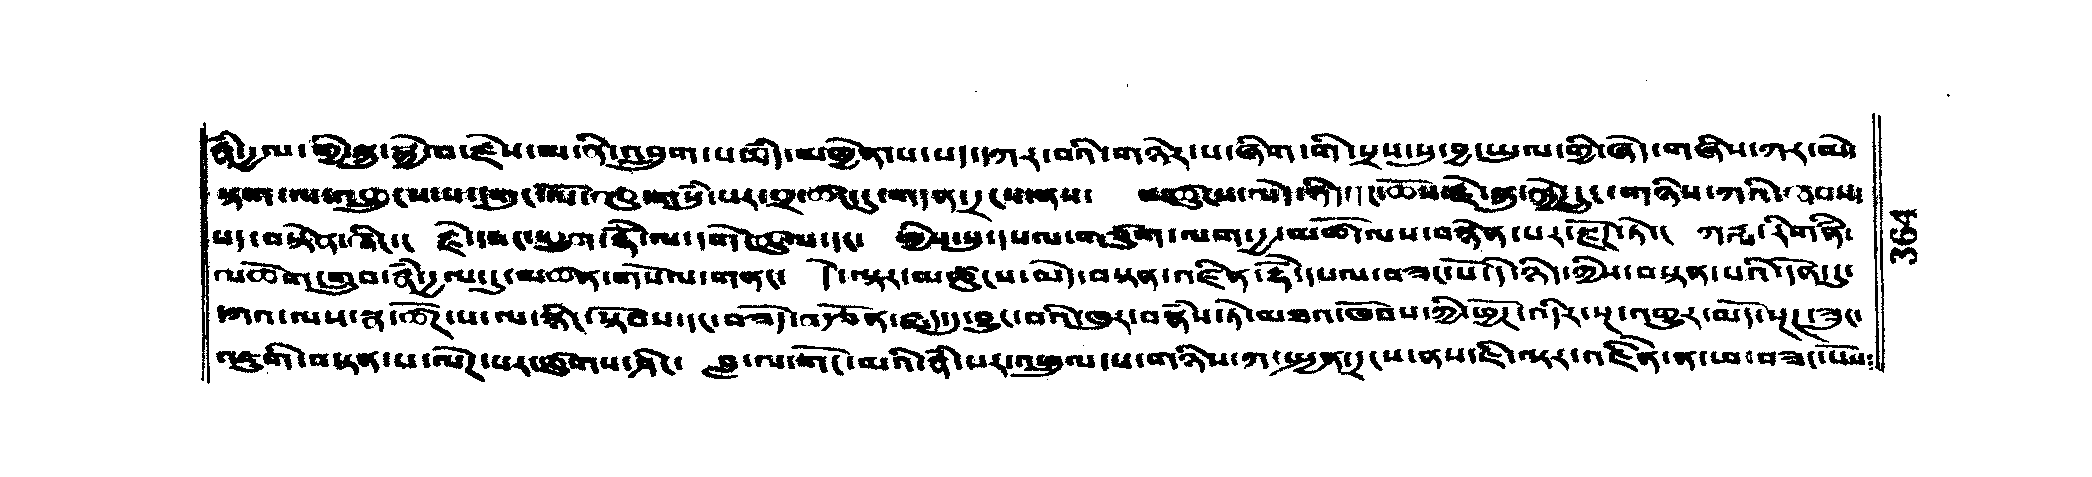རྣམ་རྒྱལ་གྱི་སྐུ་སྐྱེ་བ་རྗེས་མ་ནི་འབྲུག་པ་ཐམས་ཅད་མཁྱེན་པ་པད་དཀར་བའི་གཉེར་པ་ཞིག་གི་སྲས་སུ་བྱ་ཡུལ་གྱི་ཞེད་གཞིས་ཀར་མེ་
སྟག་ལ་འཁྲུངས་པ་དགུ་ལོ་བཅུ་གསུམ་པར་གྲྭ་ཚང་དུ་གདན་དྲངས་ནས། མཚུངས་མེད་ཉིད་དང་ཆོས་རྗེ་སྐུ་སྐྱེ་དྲུང་གཉིས་ཀའི་ཞབས་
པད་བསྟེན་ཞིང་། རྗེ་དབང་ཕྱུག་རྡོ་རྗེ་ལས་དགེ་ཚུལ་དང་། ཕྱིས་སུ་དཔལ་གཙུག་ལག་རྒྱ་མཚོ་ལས་བསྙེན་པར་རྫོགས་ཏེ། ཀརྨ་རིག་འཛིན་
མཆོག་གྲུབ་རྣམ་རྒྱལ་དུ་མཚན་གསོལ་གནང་། དེ་ལྟར་མཚུངས་མེད་བསྟན་འཛིན་རྡོ་རྗེ་དཔལ་བཟང་པོ་དེ་ཉིད་ཀྱིས་བསྟན་པའི་དོན་དུ་
དཀའ་ལས་སྣ་ཚོགས་པ་ལ་སྙིང་སྟོབས་དང་བཟོད་བརྩོན་རྨད་དུ་བྱུང་བའི་ཁུར་བསྣམས་ཏེ་མཐའ་ཁོབ་ཀྱི་ཕྱོགས་འདིར་སྔ་འགྱུར་མདོ་སྔགས་ཟུང་
འཇུག་གི་བསྟན་པ་ལེགས་པར་ཚུགས་ཤིང་། བླ་མ་གོང་མའི་རྣམ་པར་འཕྲུལ་པ་གཉིས་ཀ་སྤྱན་དྲངས་ནས་ཇི་ལྟར་འཇིག་རྟེན་ན་ཕ་བཟང་པོས་